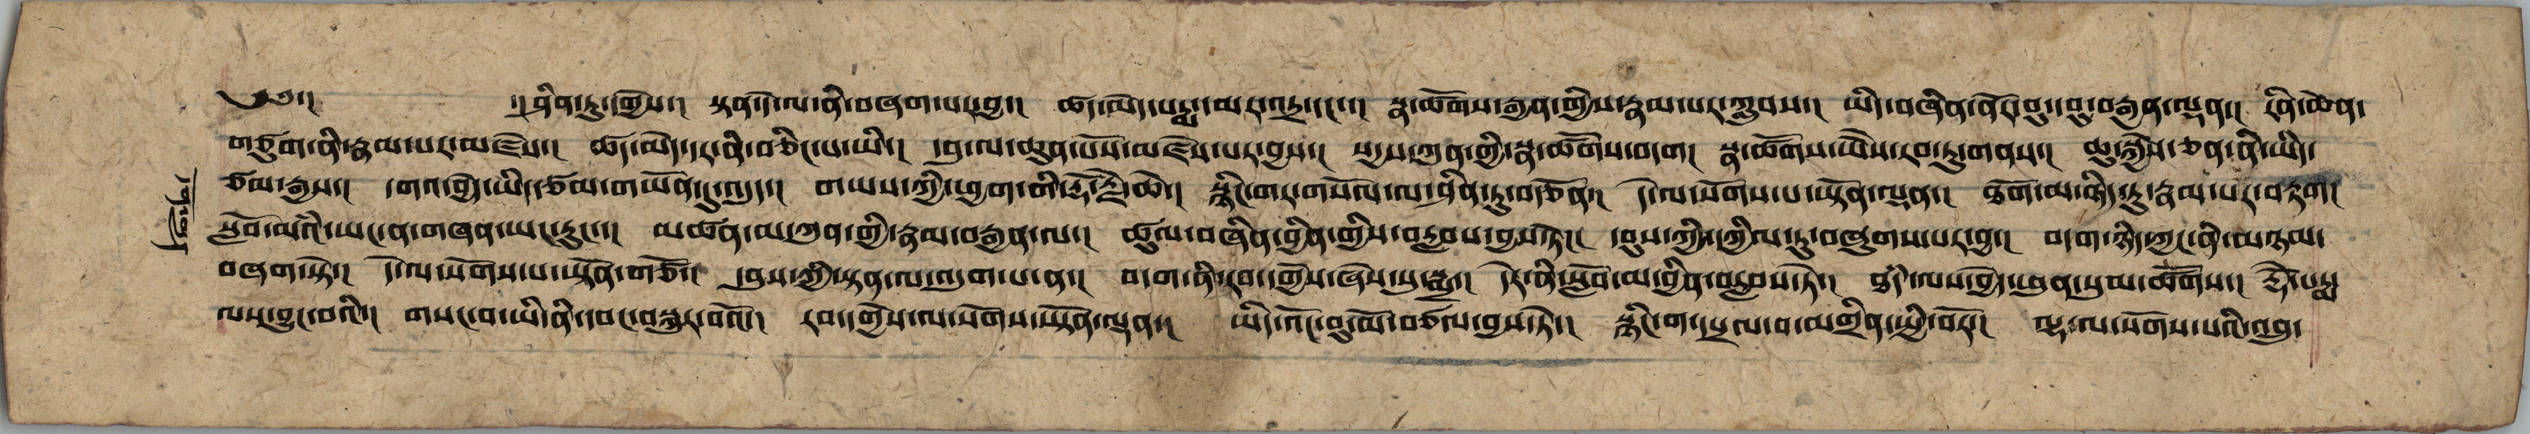༄༅་། ་།ཤིན་ཏུ་དགྱེས་། སྟན་དེ་ལ་ནི་བཞག་པར་བྱ་། ཚད་མེད་པདྨ་དམར་འདྲ་དང་་། སྣ་ཚོགས་རྒྱན་གྱིས་རྣམ་པར་ཀླུབས་། ཡིད་བཞིན་ནོར་བུ་དབུ་བརྒྱན་ལྡན་། རིན་ཆེན་
གཙུག་ནི་རྣམ་པར་མཛེས་། ཚད་མེད་དར་ནི་བཅིངས་པ་ཡི་། དབུ་ལ་ཆུན་པོས་མཛེས་པར་བྱས་། སདྱས་ཀུན་གྱི་སྣ་ཚོགས་བདག། སྣ་ཚོགས་ཡཻས་རབ་ཏུ་གནས་། ཆུ་སྐྱེས་ཅན་ནི་ཡིད་
ཙམ་རྒྱས་། དགའ་བྱེད་ཡིད་ཙམ་གཡོན་དུ་འདུད་། གཡས་ཀྱི་ཕྱག་གི་རྡོ་རྗེ་ཆེ་། སྙིང་གར་གསོལ་ལ་ཤིན་ཏུ་བརྩོན་། དེ་ལ་སོགས་པ་ཡྟོན་ལྡན་། ཐོག་མ་ཉིད་དུ་རྣམ་པར་བརྟག།
སློབ་མའི་ཡང་ན་གཞན་ཡང་རུང་་། མཚན་མ་ཀུན་གྱི་རྣམ་རྒྱན་ལ་། ཚུལ་བཞིན་བྱིན་གྱིས་བརླབས་བྱས་ཏེ་། དབུས་ཀྱི་དཀྱིལ་ཏུ་བཞུགས་ར་བྱ་། བདག་ཉིད་ཀྱང་ནི་མཉམ་
བཞག་སྟེ་། དེ་ལ་སོགས་པ་ཡྟོན་གཙོ་། དབུས་ཀྱི་སྟན་ལ་འདུག་པ་ན་། བདག་ནི་རབ་དགྱེས་ཞེས་སུ་སྨྲ་། དེར་ནི་སློབ་མ་བྱིན་བརླབས་ཏེ་། ཐཾད་ལས་བྱེད་ཕུན་སུམ་ཚོགས་། རྡོེ་པདྨ་
ལས་བྱུང་བའི་། གསང་བ་ཡི་ནི་དབང་བསྐུར་བའོ་། རབ་དགྱེས་ལ་སོགས་ཡྟོན་ལྡན་། ཡིད་འོང་བུ་མོ་བཙལ་བྱས་ཏེ་། སྙིང་ག་དཔྲལ་བ་མགྲིན་སྤྱི་བོར་། ལྷ་ལ་སོགས་པའི་འབྲུ་